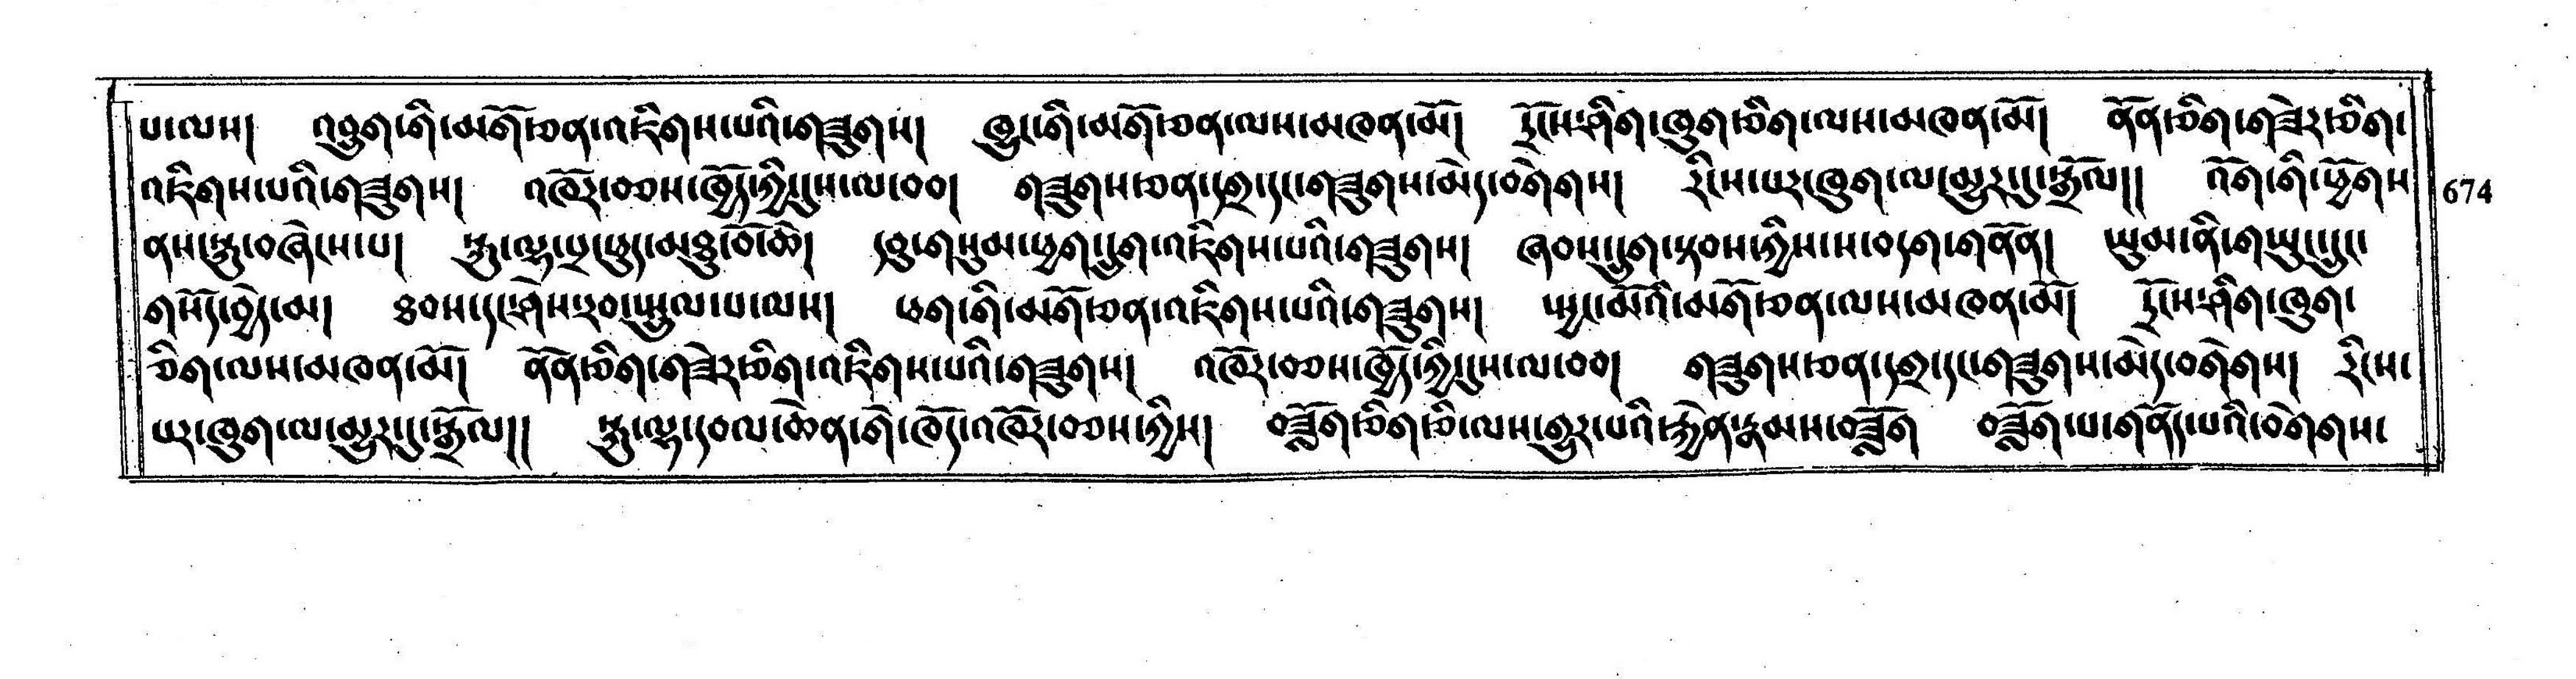པ་ལས། འབྲུག་གི་མགོ་ཅན་འཇིགས་པའི་གཟུགས། ཁྱུང་གི་མགོ་ཅན་ལས་མཁན་མོ། དྲོངས་ཤིག་ཁུག་ཅིག་ལས་མཁན་མོ། ནོན་ཅིག་གཟེར་ཅིག་
འཇིགས་པའི་གཟུགས། འཁོར་བཅས་ཁྱོད་ཀྱི་དུས་ལ་བབ། གཟུགས་ཅན་དགྲ་དང་གཟུགས་མེད་བགེགས། རིངས་པར་ཁུག་ལ་མྱུར་དུ་སྒྲོལ།། འོག་གི་ཕྱོགས་
ནས་སྐུ་བཞེངས་པ། སྐུ་ལྷ་པྲ་ཕུད་མཐུ་བོ་ཆེ། དབུ་གསུམ་ཕྱག་དྲུག་འཇིགས་པའི་གཟུགས། ཞབས་དྲུག་སྟབས་ཀྱིས་ས་བདག་གནོན། ཡུམ་ནི་གཡུང་དྲུང་
གསོད་བྱེད་མ། ཐབས་དང་ཤེས་རབ་སྤྲུལ་པ་ལས། ཕག་གི་མགོ་ཅན་འཇིགས་པའི་གཟུགས། སྤྱང་མོའི་མགོ་ཅན་ལས་མཁན་མོ། དྲོངས་ཤིག་ཁུག་
ཅིག་ལས་མཁན་མོ། ནོན་ཅིག་གཟེར་ཅིག་འཇིགས་པའི་གཟུགས། འཁོར་བཅས་ཁྱོད་ཀྱི་དུས་ལ་བབ། གཟུགས་ཅན་དགྲ་དང་གཟུགས་མེད་བགེགས། རིངས་
པར་ཁུག་ལ་མྱུར་དུ་སྒྲོལ།། སྐུ་ལྷ་དབལ་ཆེན་གེ་ཁོད་འཁོར་བཅས་ཀྱིས། བཟློག་ཅིག་ཅི་ལས་གྱུར་པའི་རྐྱེན་རྣམས་བཟློག བཟློག་པ་གནོད་པའི་བགེགས་